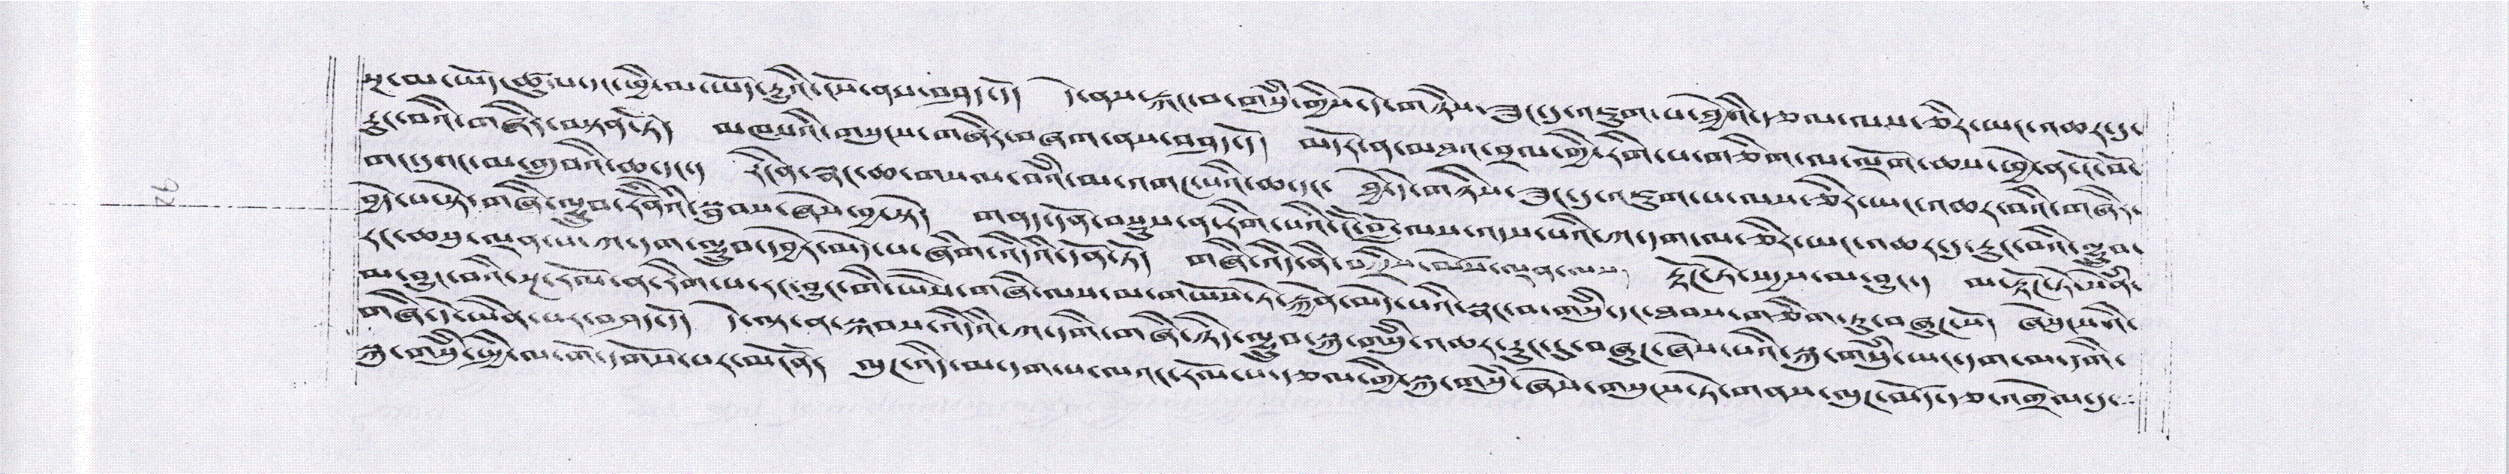སྔ་མ་ཡོད་ཚུལ་དང་ཕྱི་མ་ཡོད་རྒྱུའི་ངོས་ནས་བཤད་དོ། དེ་ནས་རྐང་པ་གསུམ་གྱིས་དེ་གཉིས་ཟུང་དུ་འཇུག་པ་ཐུགས་རྗེའི་རྩལ་ལས་ཅིར་ཡང་འཆར་དུ་
རུང་བའི་གཞིར་བསྟན་ཏོ། མཁས་པའི་གསུང་གཞིར་བཞག་ནས་བཤད་དོ། མདོར་ན་མཐའ་བྲལ་གྱི་རིག་པ་གཅིག་ལ་ལྡོག་ཆས་ཕྱེ་ན་ངོ་བོ་
གང་དུའང་མ་གྲུབ་པའི་ཆ་དང་། རང་བཞིན་སྣང་ཆ་གསལ་བའི་མ་འགག་པའི་ཆ་དང་། ཐུགས་རྗེ་དེ་གཉིས་ཟུང་དུ་འཇུག་པ་ལས་ཅིར་ཡང་འཆར་བའི་གཞིར་
བྱེད་པ་སྟེ་གཞི་ལྷུན་གྲུབ་རིན་པོ་ཆེའི་སྦུབས་ཞེས་བྱ་སྟེ། གནད་དོན་བསྡུས་ན་རིག་པའི་ངོ་བོ་བློ་ལས་འདས་པའི་ཀ་དག་ལ་ཅིར་ཡང་འཆར་དུ་རུང་བའི་ལྷུན་གྲུབ་
རང་ཆས་སུ་ལྡན་པ་ཀ་དག་ལྷུན་གྲུབ་དབྱེར་མེད་པ་ཞིག་འདིའི་དོན་ཏོ། གཞི་འདི་ནི། བཀྲ་ཤིས་མཛེས་ལྡན་ལས། རྟོགས་ཏེ་སངས་རྒྱས་མ་བྱུང་མ་རྟོགས་ཏེ་སེམས་ཅན་
མ་བྱུང་བའི་སྔ་རོལ་ན་རིག་པ་རང་བྱུང་གི་ཡེ་ཤེས་གཞི་ལས་མ་གཡོས་ཏེ་རྐྱེན་མེད་པའི་སྣང་བ་གསུམ་དང་ཐབས་གཅིག་ཏུ་བཞུགས་སོ། ཞེས་གསུངས་པའི་
གཞི་དེ་ཡིན་པར་བཤད་དོ། དེ་ལྟ་ན་སྐབས་འདིའི་ཀ་དག་གི་གཞི་ཉིད་ལྷུན་གྲུབ་སྐུ་གསུམ་འཆར་རུང་དུ་བཞུགས་ཞེས་པའི་སྐུ་གསུམ་ཡང་དག་མ་དག་གི་
སྐུ་གསུམ་སྤྱི་ལ་གོ་དགོས་པར་མངོན་ནོ། ལུགས་འདི་མ་དག་པ་ལའང་རོལ་པའི་རྩལ་གྱི་སྐུ་གསུམ་ཞེས་གསུངས་ཏེ་གནས་ལུགས་མཛོད་རྩ་འགྲེལ་དུ་